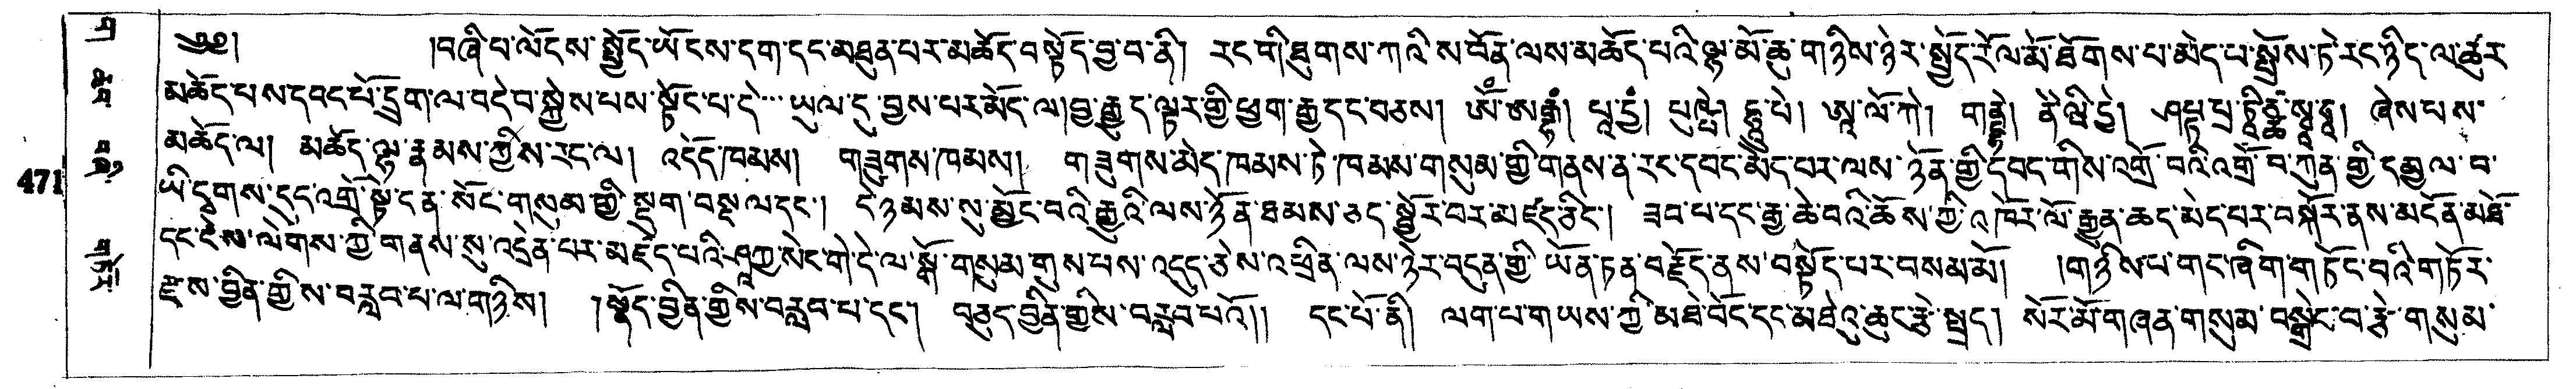༄༅། །བཞི་པ་ལོངས་སྤྱོད་ཡོངས་དག་དང་མཐུན་པར་མཆོད་བསྟོད་བྱ་བ་ནི། རང་གི་ཐུགས་ཀའི་ས་བོན་ལས་མཆོད་པའི་ལྷ་མོ་ཆུ་གཉིས་ཉེར་སྤྱོད་རོལ་མོ་ཐོགས་པ་མེད་པ་སྤྲོས་ཏེ་རང་ཉིད་ལ་ཚུར་
མཆོད་པས་དབང་པོ་དྲུག་ལ་བདེ་བ་སྐྱེས་པས་སྟོང་པ་དེ་ཡུལ་དུ་བྱས་པར་མོད་ལ། བྱ་རྒྱུད་ལྟར་གྱི་ཕྱག་རྒྱ་དང་བཅས། ཨོཾ་ཨརྒྷཾ། པཱ་དྱཾ། པུཥྤེ། དྷཱུ་པེ། ཨཱ་ལོ་ཀེ། གནྦྷེ། ནཻཝི་དྱེ། ཤཔྟ་པྲ་ཏཱི་ཙྪ་སྭཱ་ཧཱ། ཞེས་པས་
མཆོད་ལ། མཆོད་ལྷ་རྣམས་ཀྱིས་རང་ལ། འདོད་ཁམས། གཟུགས་ཁམས། གཟུགས་མེད་ཁམས་ཏེ་ཁམས་གསུམ་གྱི་གནས་ན་རང་དབང་མེད་པར་ལས་ཉོན་གྱི་དབང་གིས་འགྲོ་བའི་འགྲོ་བ་ཀུན་གྱི་དམྱལ་བ་
ཡི་དྭགས་དུད་འགྲོ་སྟེ་ངན་སོང་གསུམ་གྱི་སྡུག་བསྔལ་དང་། དེ་ཉམས་སུ་མྱོང་བའི་རྒྱུའི་ལས་ཉོན་ཐམས་ཅད་སྦྱོར་བར་མཛད་ཅིང་། ཟབ་པ་དང་རྒྱ་ཆེ་བའི་ཆོས་ཀྱི་འཁོར་ལོ་རྒྱུན་ཆད་མེད་པར་བསྐོར་ནས་མངོན་མཐོ་
དང་ངེས་ལེགས་ཀྱི་གནས་སུ་འདྲེན་པར་མཛད་པའི་ཤཱཀྱ་སེང་གེ་དེ་ལ་སྒོ་གསུམ་གུས་པས་འདུད་ཅེས་འཕྲིན་ལས་ཉེར་བདུན་གྱི་ཡོན་ཏན་བརྗོད་ནས་བསྟོད་པར་བསམ་མོ། །གཉིས་པ་གང་ཞིག་གཏོང་བའི་གཏོར་
རྫས་བྱིན་གྱིས་བརླབ་པ་ལ་གཉིས། །སྣོད་བྱིན་གྱིས་བརླབ་པ་དང་། བཅུད་བྱིན་གྱིས་བརླབ་པའོ།། དང་པོ་ནི། ལག་པ་གཡས་ཀྱི་མཐེ་བོང་དང་མཐེའུ་ཆུང་རྩེ་སྤྲད། སོར་མོ་གཞན་གསུམ་བསྒྲེང་བ་རྩེ་གསུམ་